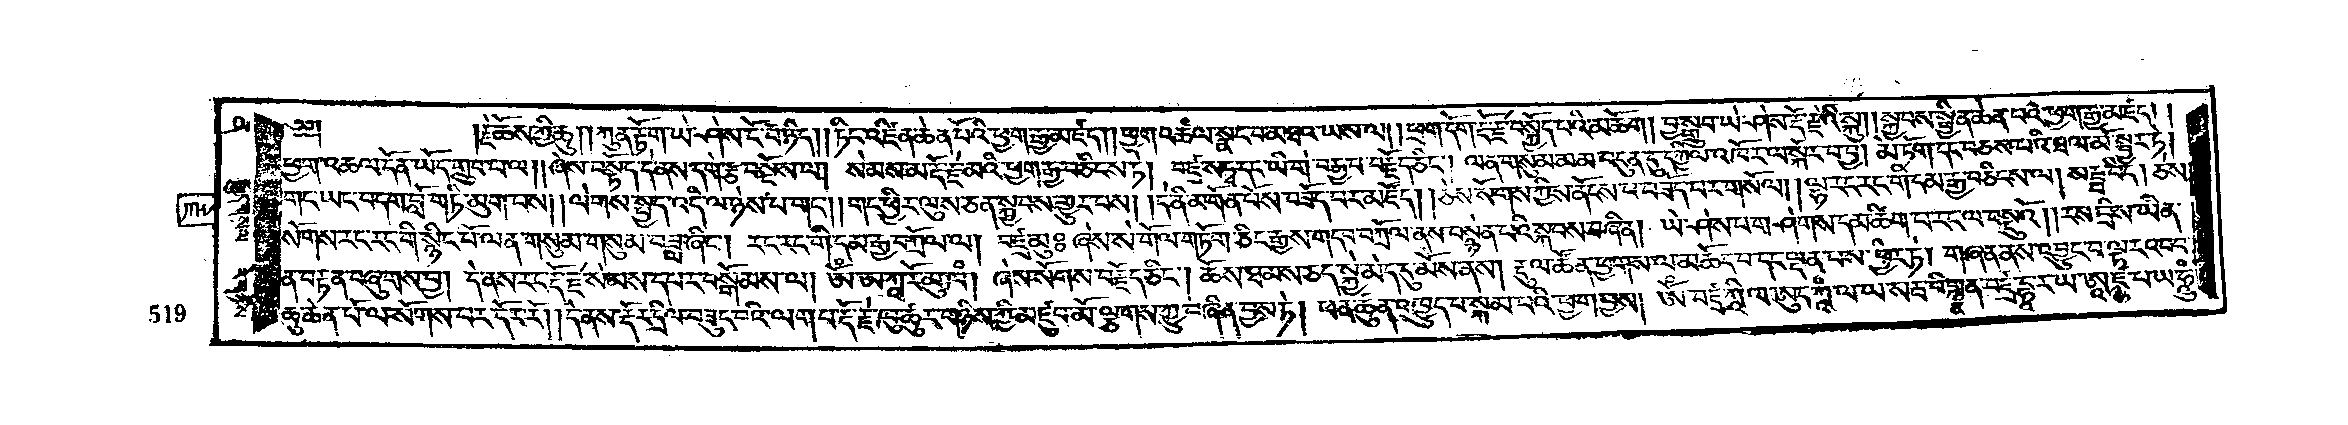༄༅། །རྗེ་ཆོས་ཀྱི་ཆུ། །ཀུན་རྟོག་ཡེ་ཤེས་ངོ་བོ་ཉིད། །ཏིང་འཛིན་ཆེན་པོའི་ཕྱག་རྒྱ་མཛད། །ཕྱག་འཚལ་སྣང་བ་མཐའ་ཡས་ལ། །ཕྲག་དོག་རྡོ་རྗེ་བསྐྱོད་པའི་མཆོག །བྱ་སྒྲུབ་ཡེ་ཤེས་རྡོ་རྗེའི་སྐུ། །སྐྱབས་སྦྱིན་ཆེན་པོའི་ཕྱག་རྒྱ་མཛད། །
ཕྱག་འཚལ་དོན་ཡོད་གྲུབ་པ་ལ། །ཞེས་བསྟོད་དེ་ནས་དགེ་རྩ་བསྔོས་ལ། སེམས་མ་རྡོ་རྗེ་མའི་ཕྱག་རྒྱ་བཅིངས་ཏེ། བཛྲ་སཏྭ་དང་ཡི་གེ་བརྒྱ་པ་བརྗོད་ཅིང་། ལན་གསུམ་མམ་བདུན་དུ་དཀྱིལ་འཁོར་ལ་སྐོར་བ་བྱ། མེ་ཏོག་དང་བཅས་པའི་ཐལ་མོ་སྦྱར་ཏེ།
གང་ཡང་བདག་བློ་གཏི་མུག་པས། །ལེགས་སྤྱད་འདི་ལ་ཉེས་པ་གང་། །གང་ཕྱིར་ལུས་ཅན་སྐྱབས་གྱུར་པས། །དེ་ནི་མགོན་པོས་བཟོད་པར་མཛོད། །ཅེས་སོགས་ཀྱིས་ནོངས་པ་བཟོད་པར་གསོལ། །ལྷ་རང་རང་གི་དམ་རྒྱ་བཅིངས་ལ། སརྦྦ་བིད། ཅེས་
སོགས་རང་རང་གི་སྙིང་པོ་ལན་གསུམ་གསུམ་བཟླ་ཞིང་། རང་རང་གི་དམ་རྒྱ་བཀྲོལ་ལ། བཛྲ་མུཿ ཞེས་སེ་གོལ་གཏོག་ཅིང་རྒྱས་གདབ་བཀྲོལ་ནས་བསྙེན་པའི་སྐབས་བཞིན། ཡེ་ཤེས་པ་གཤེགས་དམ་ཚིག་པ་རང་ལ་བསྡུའོ། །རས་བྲིས་ཡིན་
ན་བརྟན་བཞུགས་བྱ། དེ་ནས་རང་རྡོ་རྗེ་སེམས་དཔར་བསྒོམས་ལ། ཨོཾ་ཨ་ཀཱ་རོ་མུ་ཁཾ། ཞེས་སོགས་བརྗོད་ཅིང་། ཆོས་ཐམས་ཅད་སྐྱེ་མེད་དུ་མོས་ནས། རྡུལ་ཚོན་ཕྱགས་ལ་མཆོད་པ་དང་ལྡན་པས་ཁྱེར་ཏེ། གཞན་ནས་འབྱུང་བ་ལྟར་འབབ་
ཆུ་ཆེན་པོ་ལ་སོགས་པར་དོར་རོ། །དེ་ནས་རྡོར་དྲིལ་བཟུང་བའི་ལག་པ་རྡོ་རྗེ་ཁུ་ཚུར་གཉིས་ཀྱི་མཛུབ་མོ་ལྕགས་ཀྱུ་བཞིན་བྱས་ཏེ། ཕན་ཚུན་འཁྱུད་པ་སྐམ་པའི་ཕྱག་བྱས། ཨོཾ་བཛྲ་ཀཱི་ལ་ཨུད་ཀཱི་ལ་ཡ་སརྦ་བིགྷྣན་བཛྲ་དྷཱ་ར་ཡ་ཨཱ་ཛྙ་པ་མ་ཧཱུཾ་